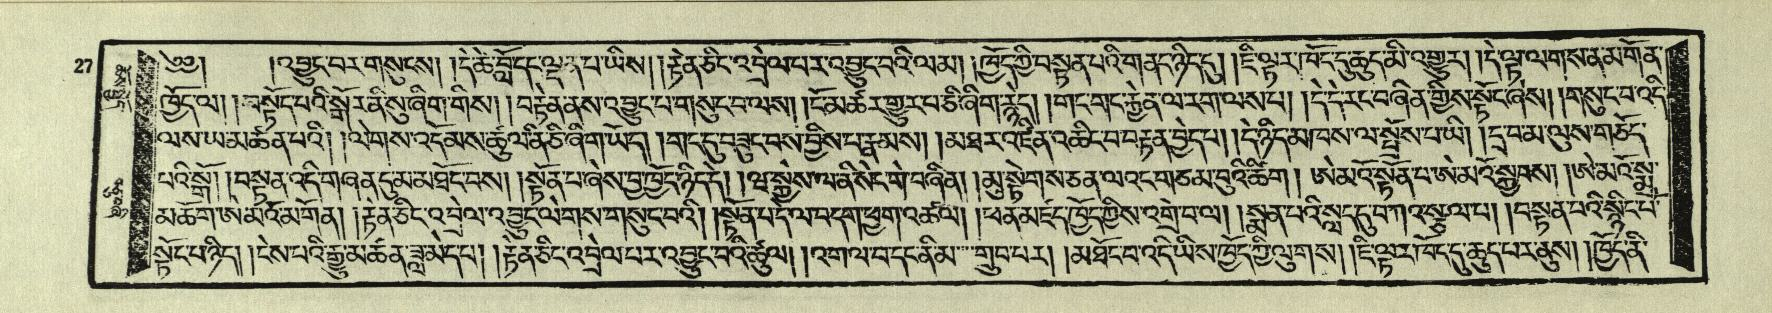༄༅། །འབྱུང་བར་གསུངས། །དེ་ཚེ་བློ་དང་ལྡན་པ་ཡིས། །རྟེན་ཅིང་འབྲེལ་པར་འབྱུང་བའི་ལམ། །ཁྱོད་ཀྱི་བསྟན་པའི་གནང་ཉིད་དུ། །ཇི་ལྟར་ཁོང་དུ་ཆུད་མི་འགྱུར། །དེ་ལྟ་ལགས་ན་མགོན་
ཁྱོད་ལ། །བསྟོད་པའི་སྒོར་ནི་སུ་ཞིག་གིས། །བརྟེན་ནས་འབྱུང་པ་གསུང་བ་ལས། །ངོ་མཚར་གྱུར་པ་ཅི་ཞིག་རྙེད། །གང་གང་རྐྱེན་ལ་རག་ལས་པ། །དེ་དེ་རང་བཞིན་གྱིས་སྟོང་ཞེས། །གསུང་བ་འདི་
ལས་ཡ་མཚན་པའི། །ལེགས་འདོམས་ཚུལ་ནི་ཅི་ཞིག་ཡོད། །གང་དུ་བཟུང་བས་བྱིས་པ་རྣམས། །མཐར་འཛིན་འཆིང་བ་བརྟན་བྱེད་པ། །དེ་ཉིད་མཁས་ལ་སྤྲོས་པ་ཡི། །དྲ་བ་མ་ལུས་གཅོད་
པའི་སྒོ། །བསྟན་འདི་གཞན་དུ་མ་མཐོང་བས། །སྟོན་པ་ཞེས་བྱ་ཁྱོད་ཉིད་དེ། །ཝ་སྐྱེས་ལ་ནི་སེང་གེ་བཞིན། །མུ་སྟེགས་ཅན་ལའང་གཅམ་བུའི་ཚིག །ཨེ་མའོ་སྟོན་པ་ཨེ་མའོ་སྐྱབས། །ཨེ་མའོ་སྨྲ་
མཆོག་ཨེ་མའོ་མགོན། །རྟེན་ཅིང་འབྲེལ་འབྱུང་ལེགས་གསུང་བའི། །སྟོན་པ་དེ་ལ་བདག་ཕྱག་འཚལ། །ཕན་མཛད་ཁྱོད་ཀྱིས་འགྲེ་བ་ལ། །སྨན་པའི་སླད་དུ་བཀའ་སྩལ་པ། །བསྟན་པའི་སྙིང་པོ་
སྟོང་པ་ཉིད། །ངེས་པའི་རྒྱུ་མཚན་ཟླ་མེད་པ། །རྟེན་ཅིང་འབྲེལ་པར་འབྱུང་བའི་ཚུལ། །འགལ་བ་དང་ནི་མ་གྲུབ་པར། །མཐོང་བ་འདི་ཡིས་ཁྱོད་ཀྱི་ལུགས། །ཇི་ལྟར་ཁོང་དུ་ཆུད་པར་ནུས། །ཁྱོད་ནི་